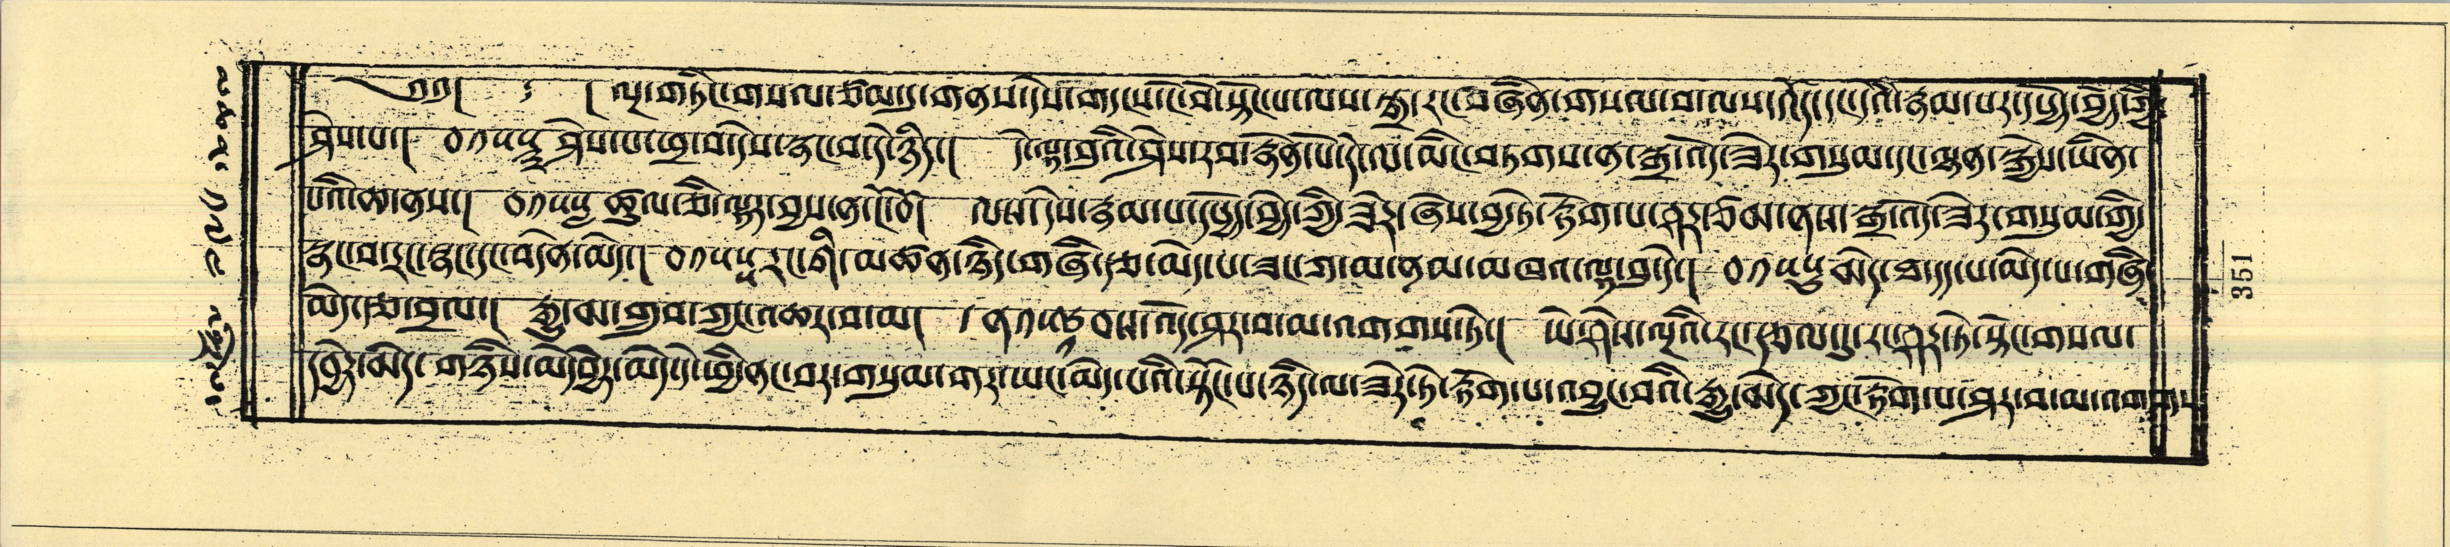ལྔ་གཏིང་གསལ་ཙམ་དུ་གནས་དེས་གདངས་ངོ་བོ་སྟོང་པ་ལས་ ༼སྒྲ་༽རང་བཞིན་གསལ་བ་ལས་ ༼འོད་༽དང་དེའི་རྣམ་པར་དཔྱོད་བྱེད་ཀྱི་
ཤེས་པ། བ༡༥༥།༣ ཤེས་པ་ཕྲ་བ་དེས་སྣང་བ་དེ་ཉིད། དེ་ལྟ་བུའི་ཤེས་རབ་རྣོན་པོ་ ༼དེ་ལ་༽མིང་བཏགས་ན་སྒྲ་འོད་ཟེར་གསུམ་དང་ལྷན་སྐྱེས་ཡིན་
པའི་ཆ་ནས། བ༡༥༥།༤ ཚུལ་ཅི་ལྟར་བྱས་ན་ ༼ངོ་བོ།༽ ༼ལས་༽དེས་རྣམ་པ་དཔྱོད་བྱེད་ཀྱི་ ༼ཟེར་༽ཞེས་བྱ་ཏེ་རྟོག་པ་ ༼ཤར་ཙམ་ནས་༽ སྒྲ་འོད་ཟེར་གསུམ་གྱི་
སྣང་བ་རང་སྣང་དང་བདེན་མེད། བ༡༥༥།༥ རང་གི་མཆན་ཉིད་གཞི་རྩ་མེད་པཟང་ཀ་མ་ནམ་མཁའ་ལྟ་བ་དེ། བ༡༥༥།༦ ༼མེད་༽ཐ་དད་པ་མེད་པ་གཞི་
མེད་རྩ་བྲལ། ༼རྒྱུ་མ་༽གྲུབ་ཀྱང་འཆར་བ་མ། ན༡༥༦།༡ ༼བས་༽འོད་ཤར་བ་མ་འགགས་ཏེ། ༼ཡེ་ཤེས་༽ལྔའི་རང་ ༼རྩལ་དུ་༽རང་ ༼ཤར་༽ཏེ་སྟོང་གསལ་ 
༼དབྱེར་མེད་༽གཉིས་མེད་དབྱེར་མེད་དེ་ཕྱི་ནང་བར་གསུམ་གར་ཡང་མེད་པའི་ ༼སྟོང་པ་༽ཉིད་ལ་ཟེར་ཏེ་རྟོག་པ་འབྱུང་བའི་ ༼རྒྱུ་མེད་༽ཀྱང་རྟོག་པ་ཤར་བ་མ་འགགས་